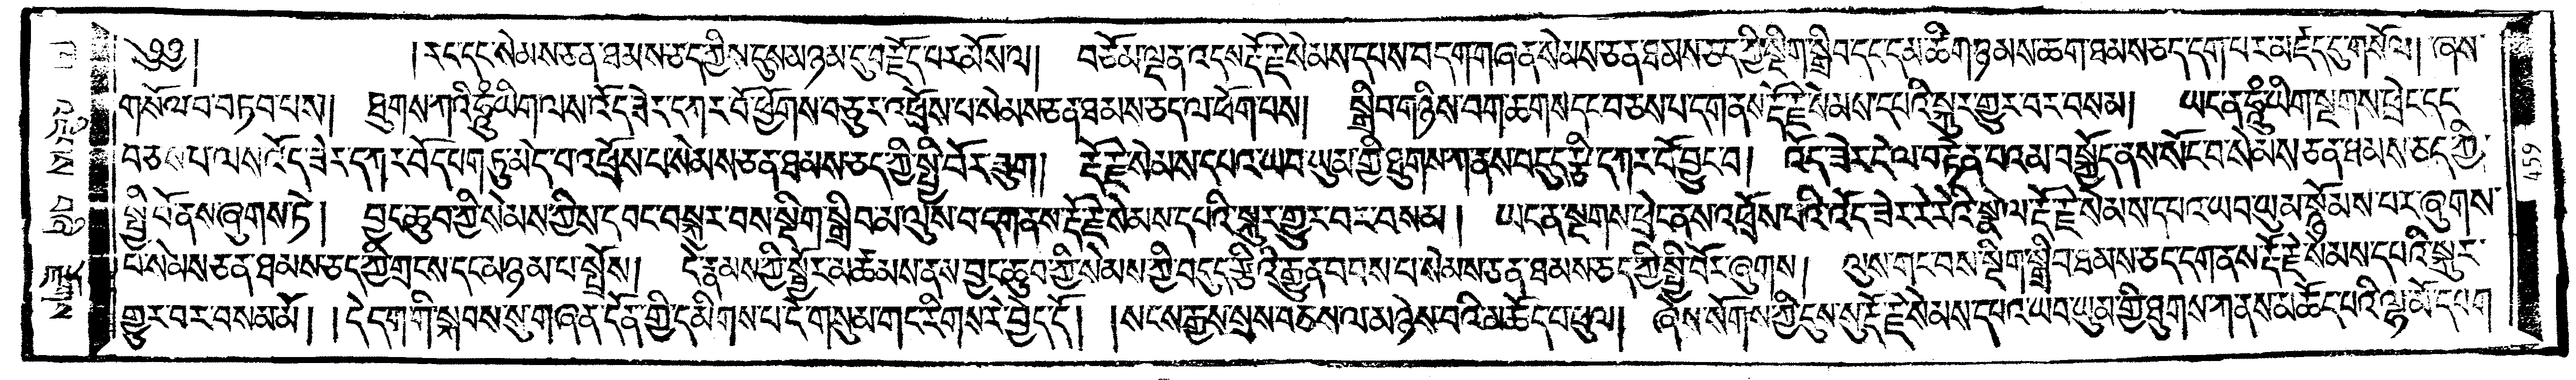༄༅། །རང་དང་སེམས་ཅན་ཐམས་ཅད་ཀྱིས་དུས་མཉམ་དུ་བརྗོད་པར་མོས་ལ། བཅོམ་ལྡན་འདས་རྡོ་རྗེ་སེམས་དཔས་བདག་གཞན་སེམས་ཅན་ཐམས་ཅད་ཀྱི་སྡིག་སྒྲིབ་དང་དམ་ཚིག་ཉམས་ཆག་ཐམས་ཅད་དག་པར་མཛད་དུ་གསོལ། ཞེས་
གསོལ་བ་བཏབ་པས། ཐུགས་ཀའི་ཧཱུཾ་ཡིག་ལས་འོད་ཟེར་དཀར་པོ་ཕྱོགས་བཅུར་འཕྲོས་པ་སེམས་ཅན་ཐམས་ཅད་ལ་ཕོག་པས། སྒྲིབ་གཉིས་བག་ཆགས་དང་བཅས་པ་དག་ནས་རྡོ་རྗེ་སེམས་དཔའི་སྐུར་གྱུར་བར་བསམ། ཡང་ན་ཧཱུཾ་ཡིག་སྔགས་ཕྲེང་དང་
བཅས་པ་ལས་འོད་ཟེར་དཀར་པོ་དཔག་ཏུ་མེད་པ་འཕྲོས་པ་སེམས་ཅན་ཐམས་ཅད་ཀྱི་སྤྱི་བོར་ཟུག། རྡོ་རྗེ་སེམས་དཔའ་ཡབ་ཡུམ་གྱི་ཐུགས་ཀ་ནས་བདུད་རྩི་དཀར་པོ་བྱུང་བ། འོད་ཟེར་དེ་ལ་བརྟེན་པའམ་བསྐྱོད་ནས་སོང་བ་སེམས་ཅན་ཐམས་ཅད་ཀྱི་
སྤྱི་བོ་ནས་ཞུགས་ཏེ། བྱང་ཆུབ་ཀྱི་སེམས་ཀྱིས་དབང་བསྐུར་བས་སྡིག་སྒྲིབ་མ་ལུས་བ་དག་ནས་རྡོ་རྗེ་སེམས་དཔའི་སྐུར་གྱུར་བར་བསམ། ཡང་ན་སྔགས་ཕྲེང་ནས་འཕྲོས་པའི་འོད་ཟེར་རེ་རེའི་སྣེ་ལ་རྡོ་རྗེ་སེམས་དཔའ་ཡབ་ཡུམ་སྙོམས་པར་ཞུགས་
པ་སེམས་ཅན་ཐམས་ཅད་ཀྱི་གྲངས་དང་མཉམ་པ་སྤྲོས། དེ་རྣམས་ཀྱི་སྦྱོར་མཚམས་ནས་བྱང་ཆུབ་ཀྱི་སེམས་ཀྱི་བདུད་རྩིའི་རྒྱུན་བབས་པ་སེམས་ཅན་ཐམས་ཅད་ཀྱི་སྤྱི་བོར་ཞུགས། ལུས་གང་བས་སྡིག་སྒྲིབ་ཐམས་ཅད་དག་ནས་རྡོ་རྗེ་སེམས་དཔའི་སྐུར་
གྱུར་བར་བསམ་མོ། །དེ་དག་གི་སྐབས་སུ་གཞན་དོན་གྱི་དམིགས་པ་དེ་གསུམ་གང་རིགས་རེ་བྱེད་དོ། །སངས་རྒྱས་སྲས་བཅས་ལ་མཉེས་པའི་མཆོད་པ་ཕུལ། ཞེས་སོགས་ཀྱི་དུས་སུ་རྡོ་རྗེ་སེམས་དཔའ་ཡབ་ཡུམ་གྱི་ཐུགས་ཀ་ནས་མཆོད་པའི་ལྷ་མོ་དཔག་